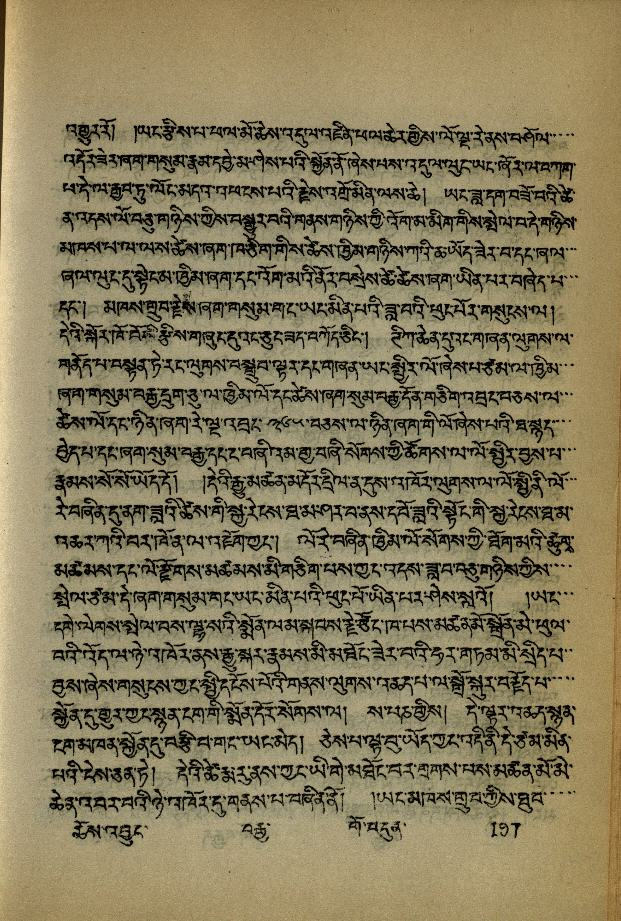འགྱུར་རོ། །ཡང་རྩིས་པ་ཕལ་མོ་ཆེས་འདུལ་འཛིན་ཕལ་ཆེར་གྱིས་ལོ་ལྔ་རེ་ནས་བཤོལ་
འདོར་ཟེར་ཞག་གསུམ་རྣམ་དབྱེ་མ་ཤེས་པའི་སྐྱོན་ནོ་ཞེས་པས་འདུལ་ལུང་ཡང་ཞོར་ལ་བཀག་
པ་དེ་ལ་རྒྱབ་ཏུ་ལོང་མདའ་འཕངས་པའི་རྗེས་འགྲོ་མིན་ལས་ཆེ། ཡང་ཟླ་དག་བཟོ་བའི་ཚེ་
ན་འདས་ལོ་བཅུ་གཉིས་ཀྱིས་བསྒྱུར་བའི་གནས་གཉིས་ཀྱི་འོག་མ་མིག་གིས་སྤེལ་བ་དེ་གཉིས་
མཁས་པ་ལ་ལས་ཚེས་ཞག་ཁ་ཅིག་གིས་ཚེས་ཁྱིམ་གཉིས་ཀའི་ཆ་ཡོད་ཟེར་བ་དང་ཞལ་
ཞལ་ལུང་དུ་སྟེང་མ་ཁྱིམ་ཞག་དང་འོག་མའི་ནོར་བསྲེས་ཚེ་ཚེས་ཞག་ཡིན་པར་བཞེད་པ་
དང་། མཁས་གྲུབ་རྗེས་ཞག་གསུམ་གང་ཡང་མིན་པའི་ཟླ་བའི་ཕུང་པོར་གསུངས་ལ།
དེའི་སྐོར་ཁོ་བོའི་རྩིས་གཞུང་དུའང་ཅུང་ཟད་བཀོད་ཅིང་། ཊིཀ་ཆེན་དུའང་གཞན་ལུགས་ལ་
གནོད་པ་བསྟན་ཏེ་རང་ལུགས་བསྒྲུབ་ལྟར་དང་གཞན་ཡང་སྤྱིར་ལོ་ཞེས་པ་ཙམ་ལ་ཁྱིམ་
ཞག་གསུམ་བརྒྱ་དྲུག་ཅུ་ལ་ཁྱིམ་ལོ་དང་ཚེས་ཞག་སུམ་བརྒྱ་དོན་གཅིག་འབྲང་བཅས་ལ་
ཚེས་ལོ་དང་ཉིན་ཞག་རེ་ལྔ་འབྲང ༣༦༥་བཅས་ལ་ཉིན་ཞག་གི་ལོ་ཞེས་པའི་ཐ་སྙད་
བྱེད་པ་དང་ཞག་སུམ་བརྒྱ་དང་ང་བཞིའམ་གྱ་བཞི་སོགས་ཀྱི་ཚོགས་ལ་ལོ་སྤྱིར་བྱས་པ་
རྣམས་སོ་སོ་ཡོད་དོ། །དེའི་རྒྱུ་མཚན་མདོར་དྲིལ་ན་དུས་འཁོར་ལུགས་ལ་ལོ་སྤྱི་ནི་ལོ་
རེ་བཞིན་དུ་ནག་ཟླའི་ཚེས་གི་སྐྱ་རེངས་ཐ་མ་ཤར་བ་ནས་དབོ་ཟླའི་སྟོང་གི་སྐྱ་རེངས་ཐ་མ་
འཆར་ཀའི་བར་ཁོ་ན་ལ་འཇོག་ཀྱང་། ལོ་རེ་བཞིན་ཁྱིམ་ལོ་སོགས་ཀྱི་ཐོག་མའི་ཚུགས་
མཚམས་དང་ལོ་རྫོགས་མཚམས་མི་གཅིག་པས་ཀྱང་འདས་ཟླ་བ་བཅུ་གཉིས་ཀྱིས་
སྤེལ་ཙམ་དེ་ཞག་གསུམ་གང་ཡང་མིན་པའི་ཕུང་པོ་ཡིན་པར་ཤེས་སླའོ། །ཡང་
དགེ་ལེགས་སྤེལ་བས་ལྷ་སའི་སྨོན་ལམ་སྐབས་རྗེ་ཙོང་ཁ་པས་མཚན་མོ་སྒྲོན་མེ་ཕུལ་
བའི་འོད་ལ་ཉེ་འཁོར་ནས་རྒྱུ་སྐར་རྣམས་མི་མཐོང་ཟེར་བའི་ཧར་གཏམ་མི་སྲིད་པ་
བྱས་ཞེས་གསུངས་ཀྱང་སྤྱི་དངོས་པོའི་གནས་ལུགས་འཆད་པ་ལ་སྒྲོ་སྐུར་བརྗོད་པ་
སྐྱོན་དུ་གྱུར་ཀྱང་སྙན་ངག་གི་སྨོན་དོར་སོགས་ལ། ས་པཎ་གྱིས། དེ་ལྟར་འཆད་སྙན་
ངག་མཁན་སྐྱོན་དུ་བརྩི་བ་གང་ཡང་མེད། ཅེས་པ་ལྟ་བུ་ཡོད་ཀྱང་འདི་ནི་དེ་ཙམ་མིན་
པའི་ངེས་ཅན་ཏེ། དེའི་ཚེ་རྨ་རུ་ནས་ཀྱང་ཡི་གེ་མཐོང་བར་གྲགས་པས་མཚན་མོ་མེ་
ཆེན་འབར་བའི་ཉེ་འཁོར་དུ་གནས་པ་བཞིན་ནོ། །ཡང་མཁས་གྲུབ་ཀྱིས་ཐུབ་